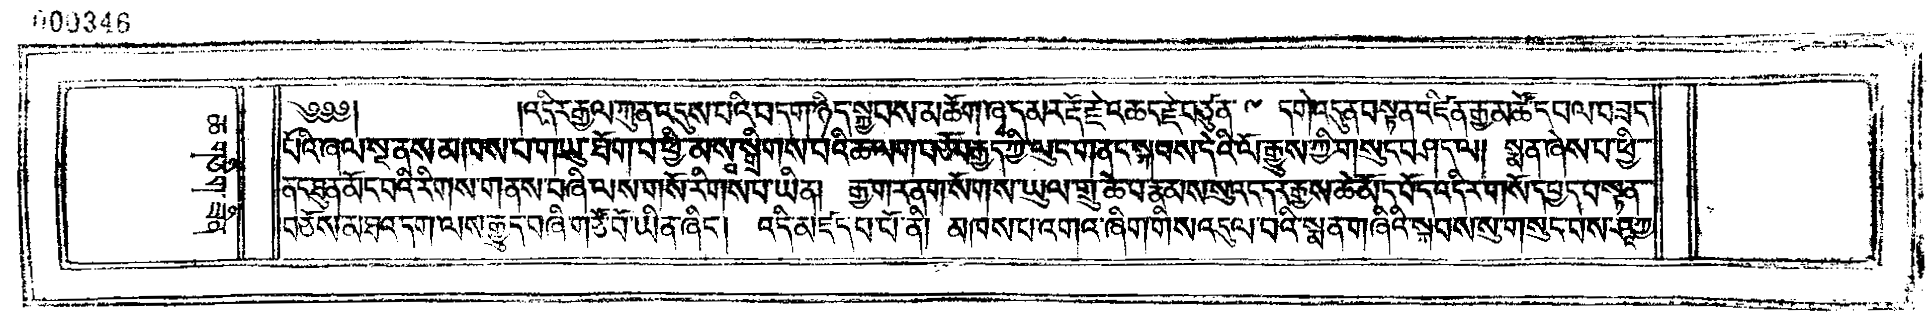༄༅༅། །འདིར་རྒྱལ་ཀུན་འདུས་པའི་བདག་ཉིད་སྐྱབས་མཆོག་ཞྭ་དམར་རྡོ་རྗེ་འཆང་རྗེ་བཙུན་༧་དགེ་འདུན་བསྟན་འཛིན་རྒྱ་མཚོ་དཔལ་བཟང་
པོའི་ཞལ་སྔ་ནས་མཁས་པ་གཡུ་ཐོག་པ་ཕྱི་མས་བསྒྲིགས་པའི་ཆ་ལག་བཅོ་བརྒྱད་ཀྱི་ལུང་གནང་སྐབས་དེའི་ལོ་རྒྱུས་ཀྱི་གསུང་བཤད་ལ། སྨན་ཞེས་པ་ཕྱི་
ནང་ཐུན་མོང་བའི་རིགས་གནས་བཞི་ལས་གསོ་རིགས་པ་ཡིན། རྒྱ་གར་ནག་སོགས་ཡུལ་གྲུ་ཆེ་བ་རྣམས་སུའང་དར་རྒྱས་ཆེ་མོང་བོད་འདིར་གསོ་དཔྱད་བསྟན་
བཅོས་མཐའ་དག་ལས་རྒྱུད་བཞི་གཙོ་བོ་ཡིན་ཞིང་། འདི་མཛད་པ་པོ་ནི། མཁས་པ་འགའ་ཞིག་གིས་འདུལ་བའི་སྨན་གཞིའི་སྐབས་སུ་གསུང་བས་ཤཱཀྱ་